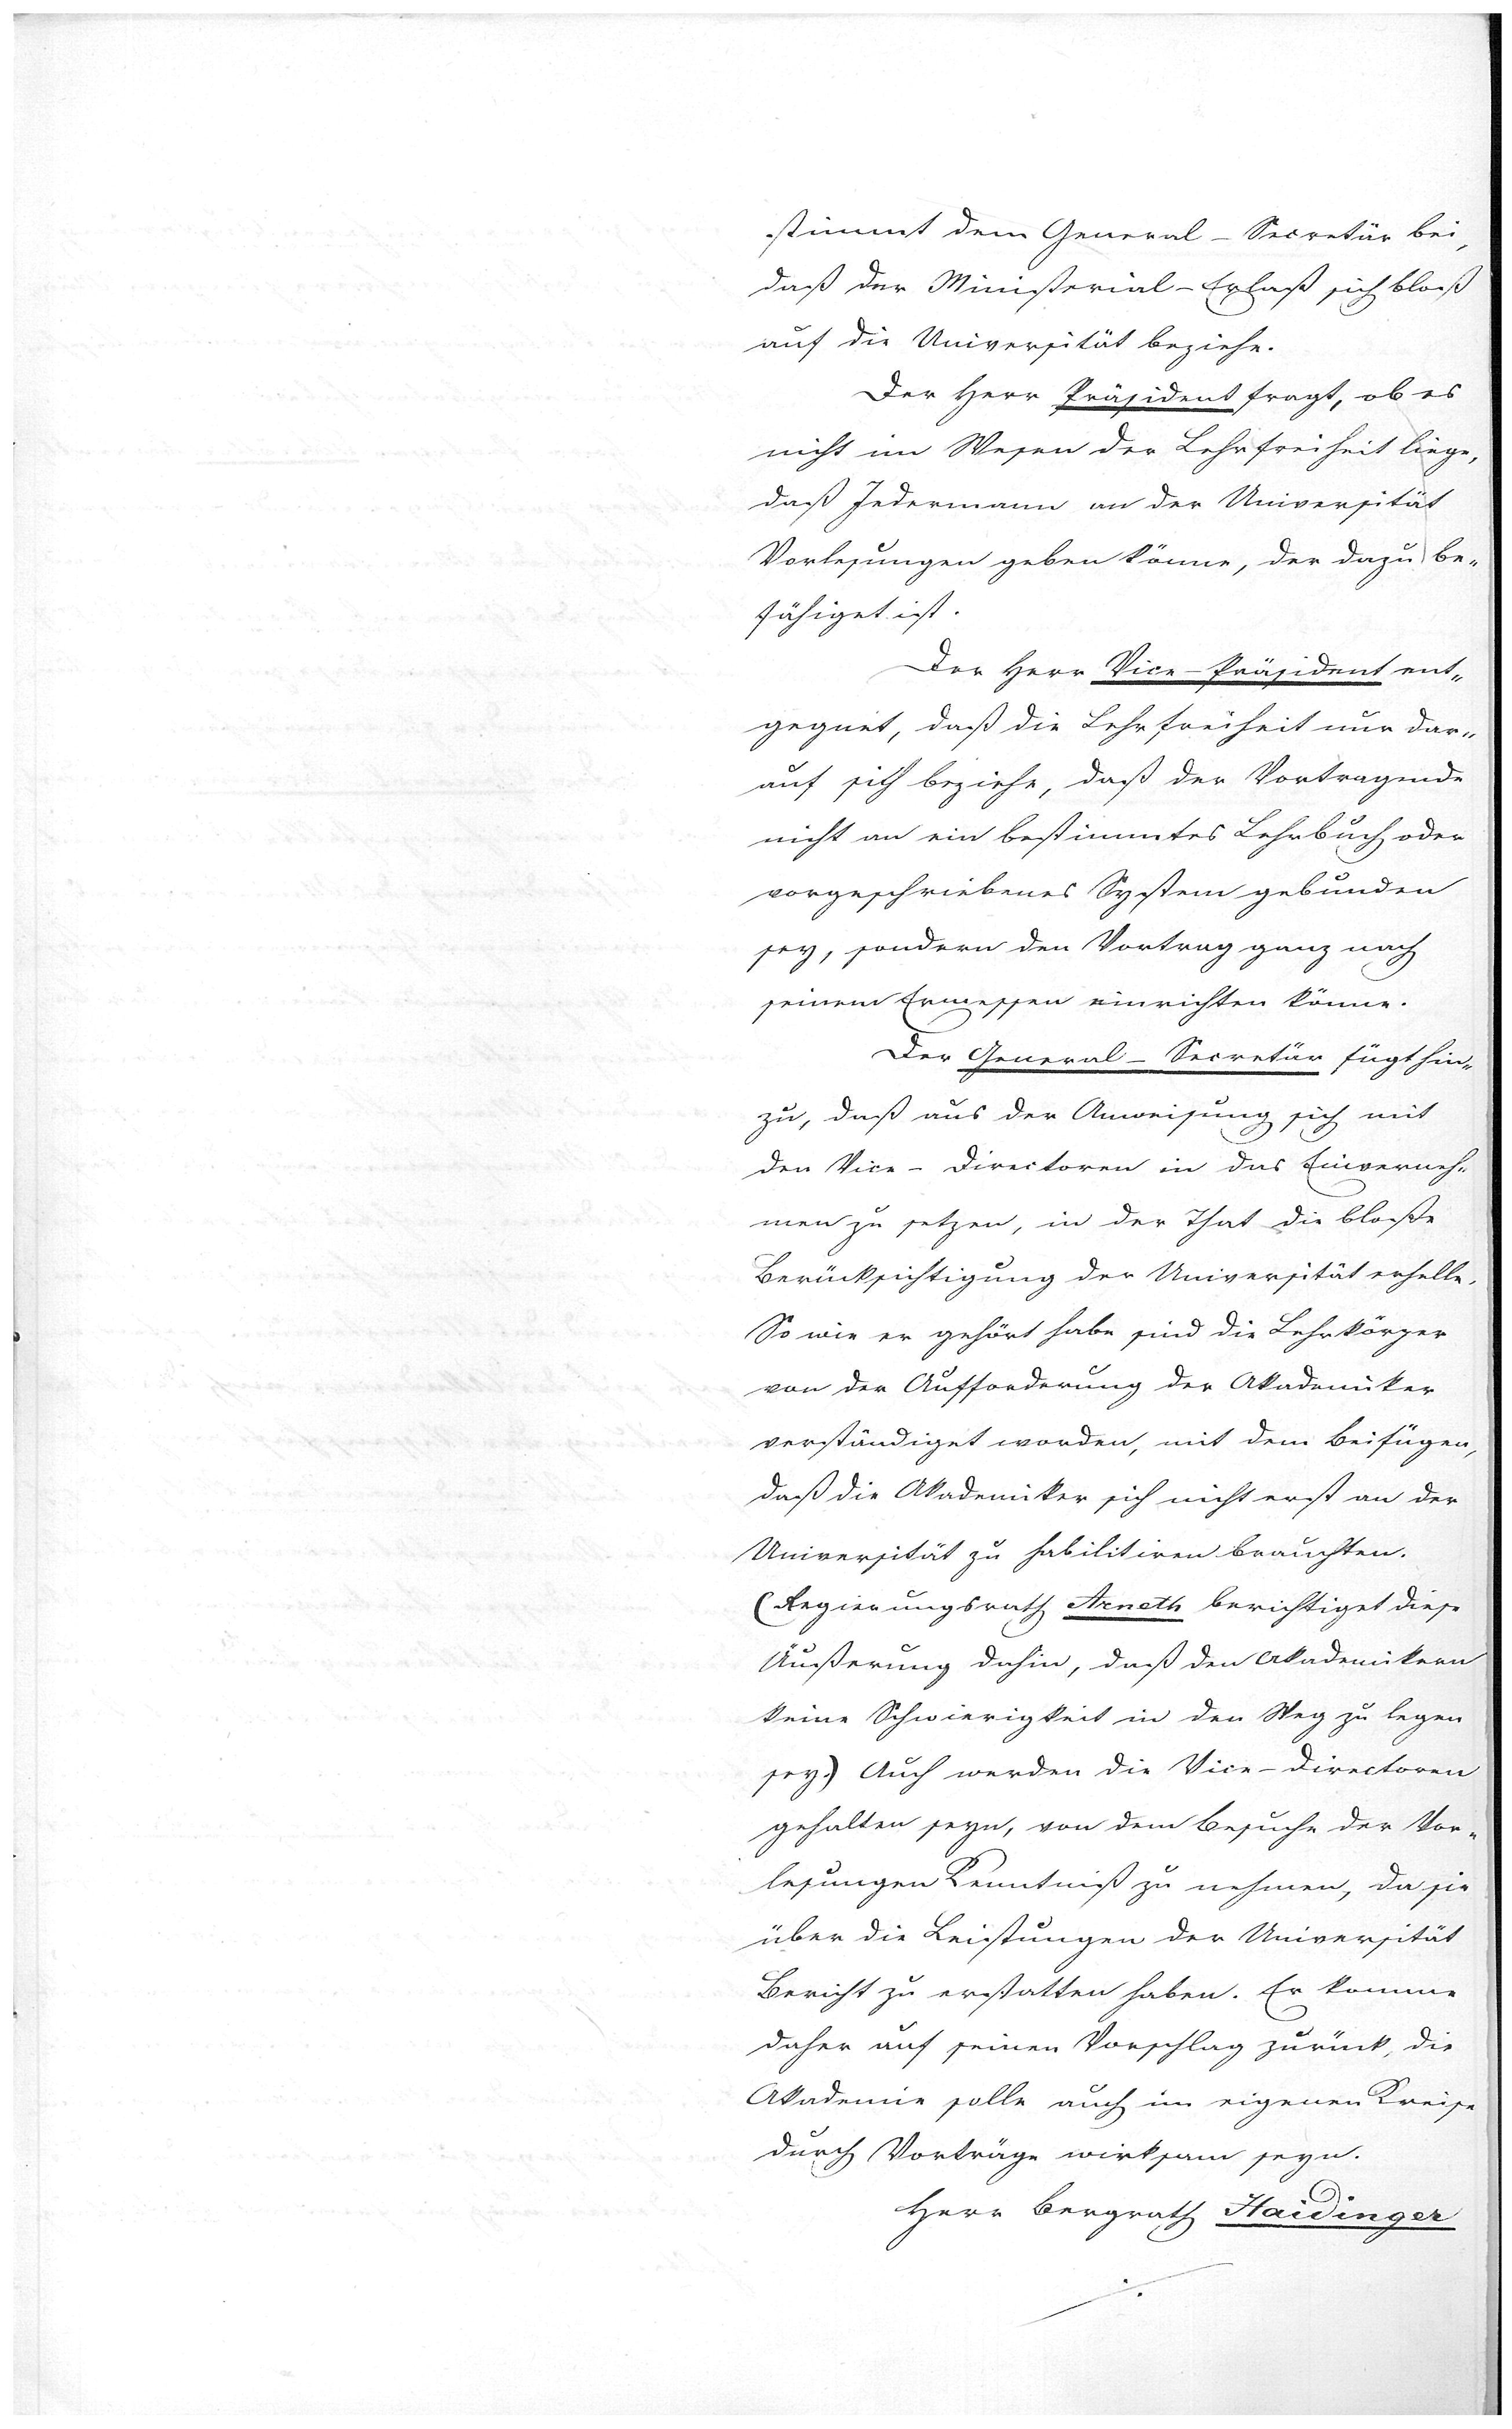stimmt dem General-Secretär bei,
daß der Ministerial-Erlaß sich bloß
auf die Universität beziehe.
Der Herr Präsident fragt, ob es
nicht im Wesen der Lehrfreiheit liege,
daß Jedermann an der Universität
Vorlesungen geben könne, der dazu be-
fähiget ist.
Der Herr Vice-Präsident ent-
gegnet, daß die Lehrfreiheit nur dar-
auf sich beziehe, daß der Vortragende
nicht an ein bestimmtes Lehrbuch oder
vorgeschriebenes System gebunden
sey, sondern den Vortrag ganz nach
seinem Ermessen einrichten könne.
Der General-Secretär fügt hin-
zu, daß aus der Anweisung sich mit
den Vice-Directoren in das Einverneh-
men zu setzen, in der That die bloße
Berücksichtigung der Universität erhelle.
So wie er gehört habe sind die Lehrkörper
von der Aufforderung der Akademiker
verständiget worden, mit dem Beifügen,
daß die Akademiker sich nicht erst an der
Universität zu habilitiren brauchten.
(Regierungsrath Arneth berichtiget diese
Äußerung dahin, daß den Akademikern
keine Schwierigkeit in den Weg zu legen
sey.) Auch werden die Vice-Directoren
gehalten seyn, von dem Besuche der Vor-
lesungen Kenntniß zu nehmen, da sie
über die Leistungen der Universität
Bericht zu erstatten haben. Er komme
daher auf seinen Vorschlag zurück, die
Akademie solle auch im eigenen Kreise
durch Vorträge wirksam seyn.
Herr Bergrath Haidinger